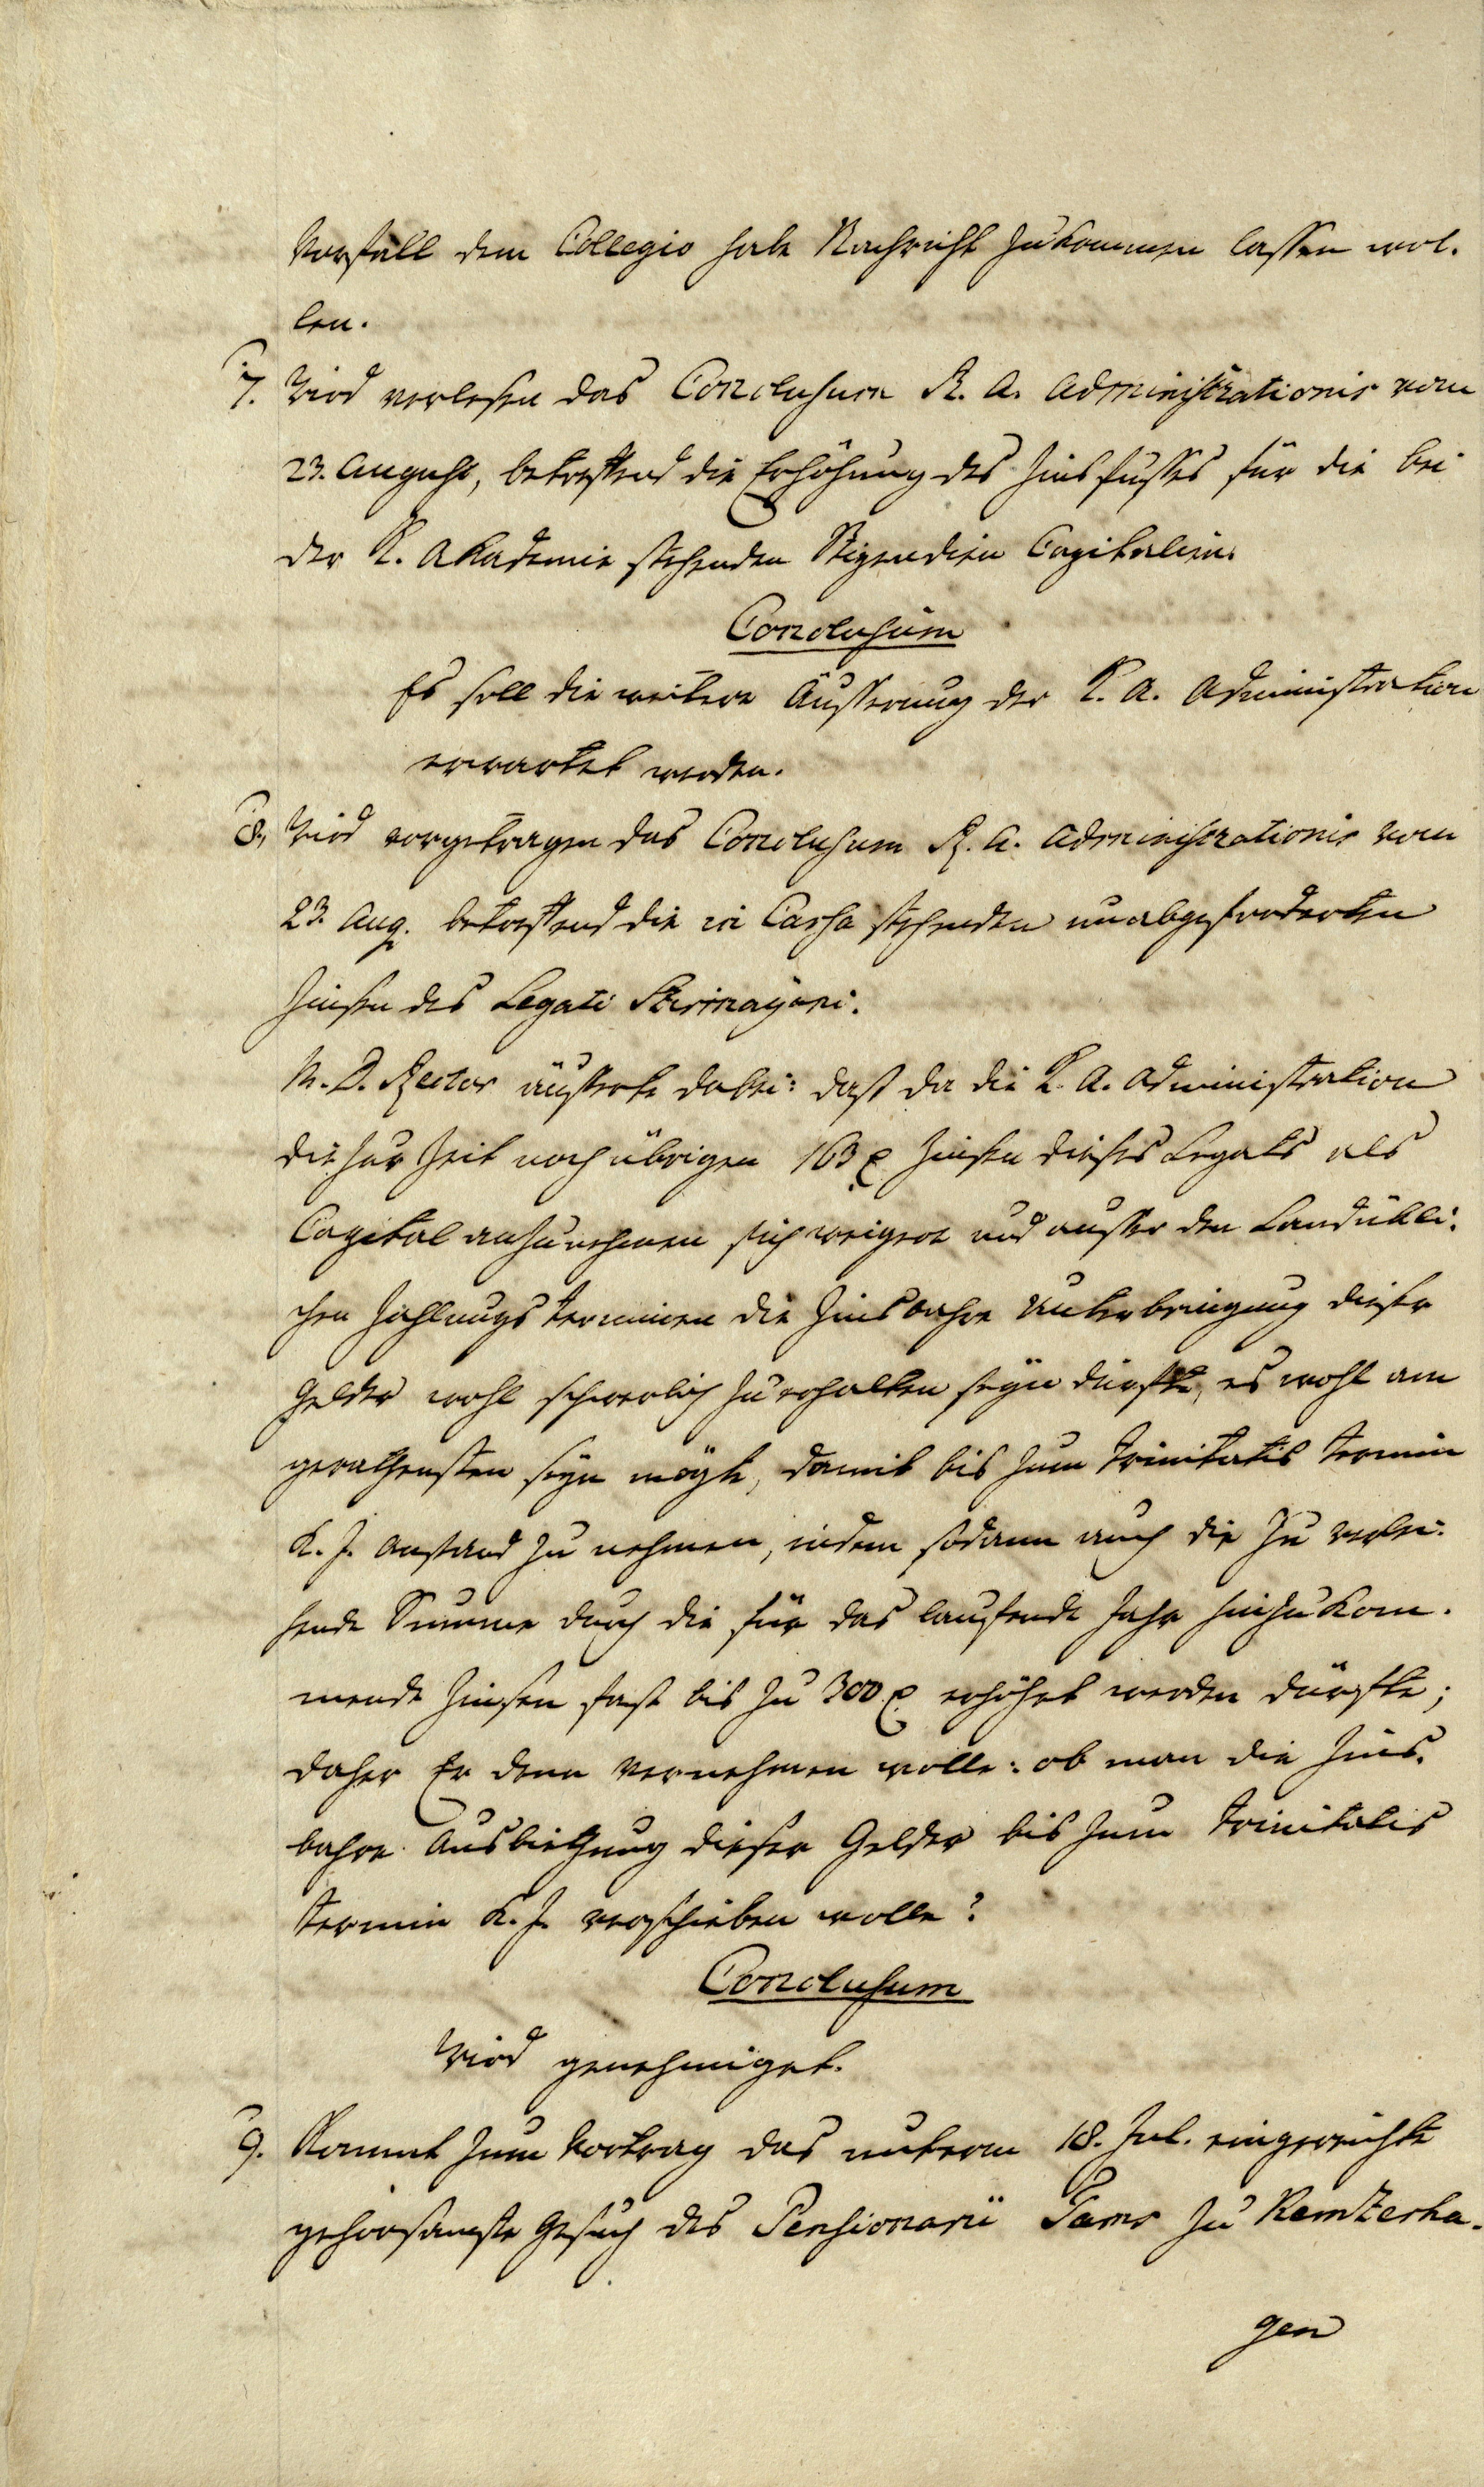Vorfall dem Collegio habe Nachricht zukommen lassen wol¬
len.
7. Wird verlesen das Conclusum K. A. Administrationis vom
23. August, betreffend die Erhöhung des Zinsfusses für die bei
der K. Akademie stehenden Stipendien Capitalien.
Conclusum
Es soll die weitere Äusserung der K. A. Administration
erwartet werden.
8., Wird vorgetragen das Conclusum K. A. Administrationis vom
23. Aug. betreffend die in Cassa stehenden unabgeforderten
Zinsen des Legati Szirmaÿani.
M. D. Rector äusserte dabei: daß da die K. A. Administration
die zur Zeit noch übrigen 163 l. Zinsen dieses Legats als
Capital anzunehmen sich weigere und ausser den Landübli¬
chen Zahlungs Terminen die zinsbahre Unterbringung dieser
Gelder wohl schwerlich zu erhalten seÿn dürfte, es wohl am
gerathensten seÿn mögte, damit bis zum Trinitatis Termin
k. J. Anstand zu nehmen, indem sodann auch die zu verlei¬
hende Summe durch die für das laufende Jahr hinzukom¬
mende Zinsen fast bis zu 300 l. erhöhet werden dürfte;
daher Er denn vernehmen wolle: ob man die zins¬
bahre Ausbiethung dieser Gelder bis zum Trinitatis
Termin k. J. verschieben wolle?
Conclusum
Wird genehmiget.
9. Kommt zum Vortrag das unterm 18. Jul. eingereichte
gehorsamste Gesuch des Pensionari Tams zu Kemzerha¬
gen